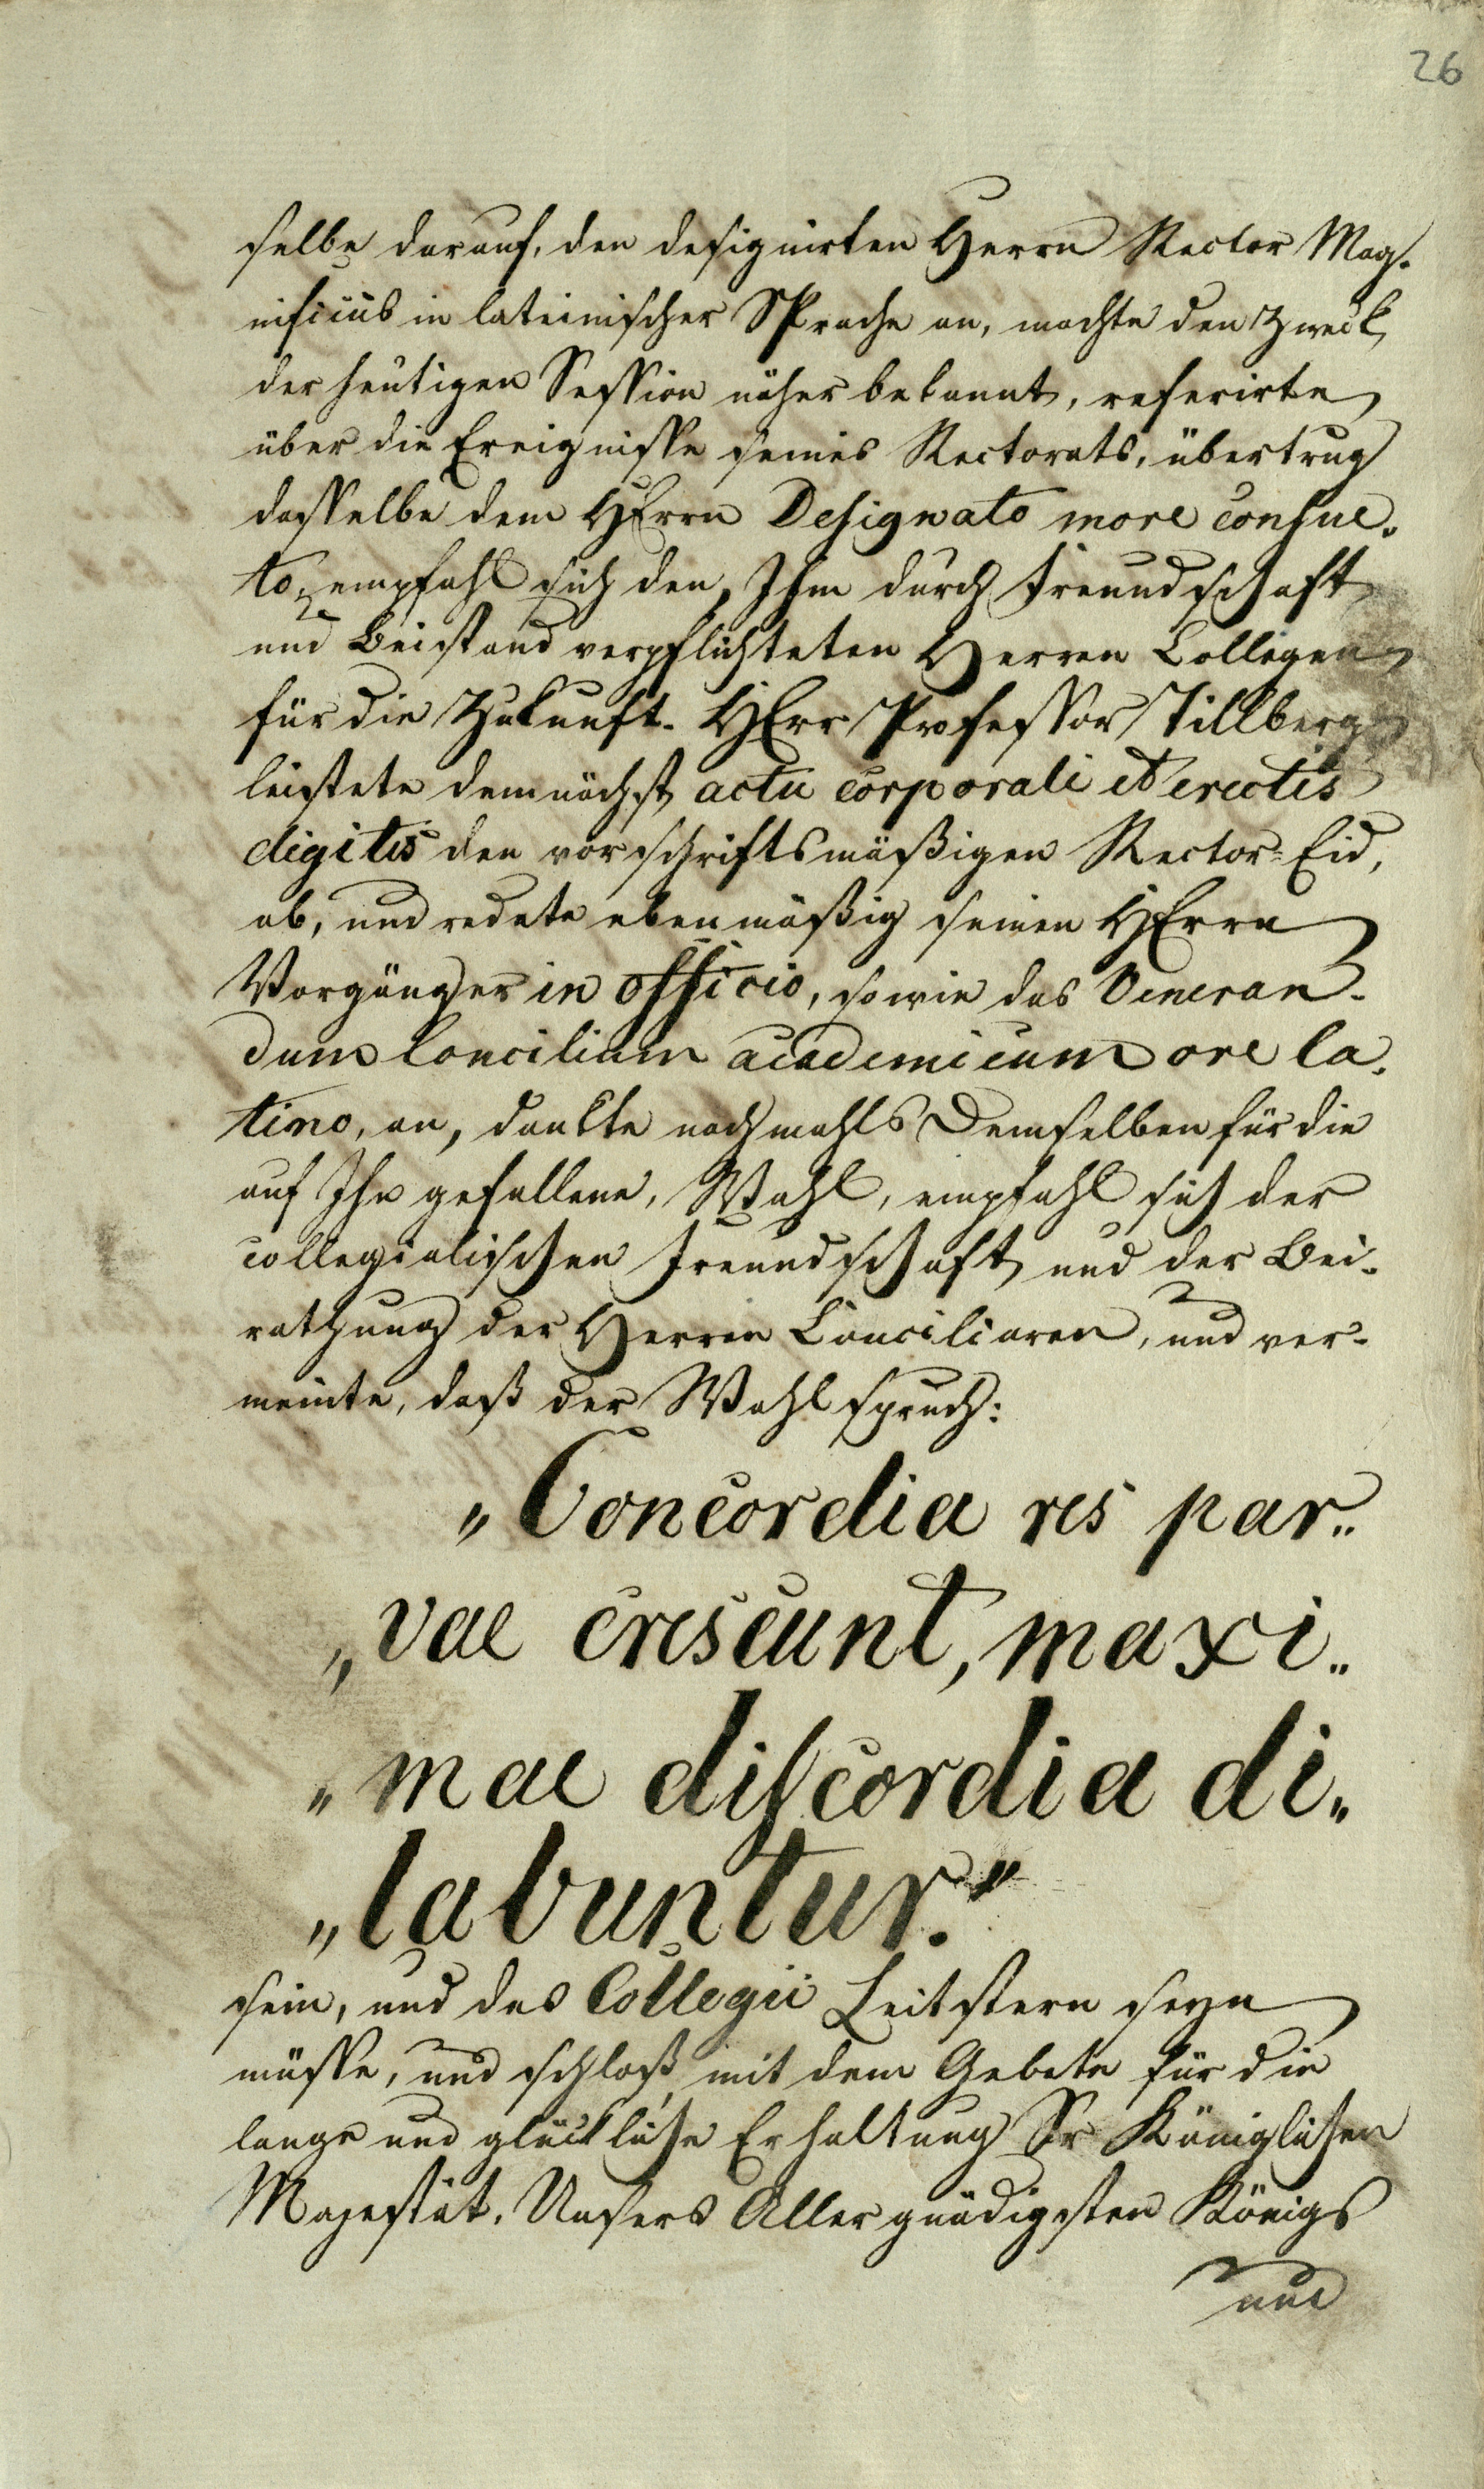selbe darauf, den designirten Herrn Rector Mag¬
nificus in lateinischer Sprache an, machte den Zweck
der heutigen Session näher bekannt, referirte
über die Ereignisse seines Rectorats, übertrug
dasselbe dem Herrn Designato more consul¬
to, empfahl sich den, Ihm durch Freundschaft
und Beistand verpflichteten Herren Collegen
für die Zukunft. Herr Professor Tillberg
leistete demnächst actu corporali et erectis
digitis den vorschriftsmäßigen Rector-Eid,
ab, und redete ebenmäßig seinen Herrn
Vorgänger in officio, sowie das Veneran¬
dum Concilium academicum ore la¬
tino, an, dankte nochmahls Demselben für die
auf Ihn gefallene, Wahl, empfahl sich der
collegianischen Freundschaft und der Bei¬
rathung der Herren Conciliaren, und ver¬
meinte, daß der Wahlspruch¬
"Concordia res par¬
"vae crecunt, maxi¬
"mae discordia di¬
"la buntur."
sein, und des Collegii Leitstern seyn
müsse, und schloß mit dem Gebete für die
lange und glückliche Erhaltung Sr Königlichen
Mayestät. Unsers allergnädigsten Königs
und